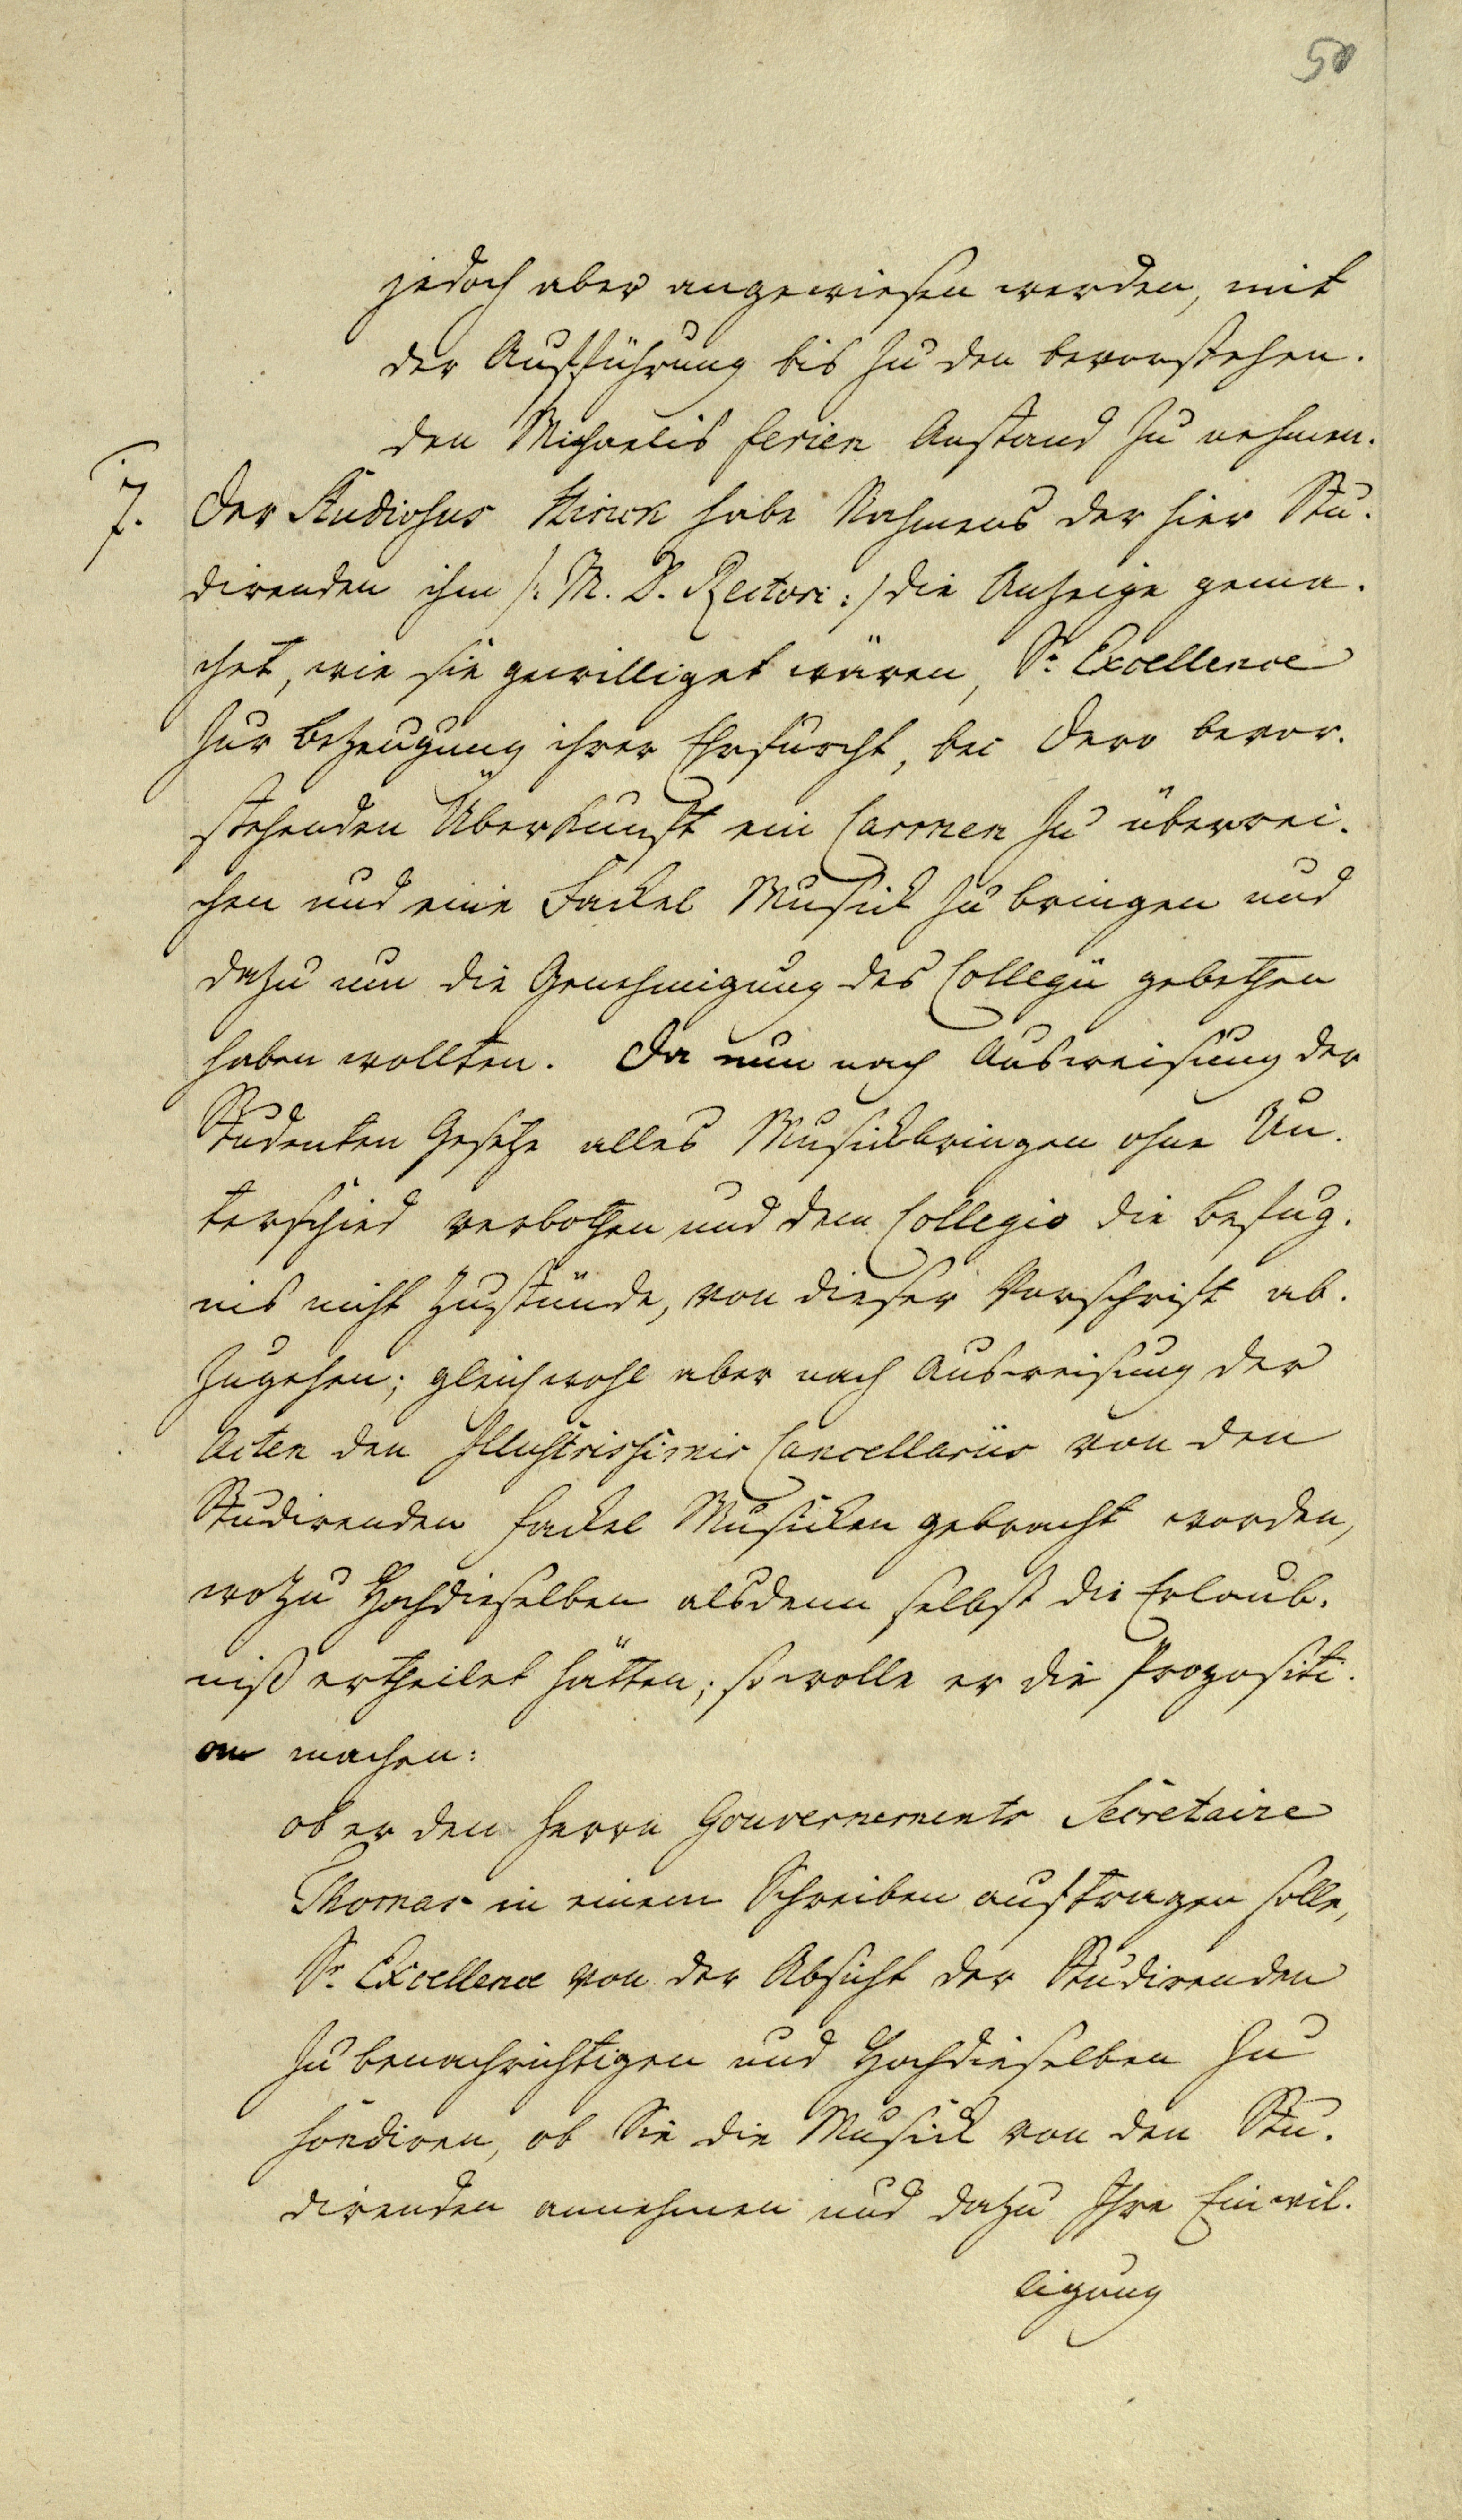jedoch aber angewiesen werden, mit
der Aufführung bis zu den bevorstehen¬
den Michaelis ferien Anstand zu nehmen.
7. Der Studiosus Hinck habe Nahmens der hier Stu¬
direnden ihm /. M. D. Rectori :/ die Anzeige gema¬
chet, wie sie gewilliget wären, Sr Excellence
zur Bezeugung ihrer Ehrfurcht, bei dero bevor¬
stehenden Überkunft ein Carmen zu überrei¬
chen und eine Fackel Musick zu bringen und
dazu um die Genehmigung des Collegii gebethen
haben wollten. Da nun nach Ausweisung der
Studenten Gesetze alles Musickbringen ohne Un¬
terschied verbothen und dem Collegio die Befug¬
nis nicht zustünde, von dieser Vorschrift ab¬
zugehen; gleichwohl aber nach Ausweisung der
Acten den Ilustrissimis Cancellariis von den
Studirenden Fackel Musicken gebracht worden,
wozu Hochdieselben alsdenn selbst die Erlaub¬
niß ertheilet hätten, so wolle er die Propositi¬
on machen:
ob er den Herrn Gouvernements Secretaire
Thomas in einem Schreiben auftragen solle,
Sr Excellence von der Absicht der Studirenden
zu benachrichtigen und Hochdieselben zu
sondiren, ob Sie die Musick von den Stu¬
direnden annehmen und dazu Ihre Einwil¬
ligung